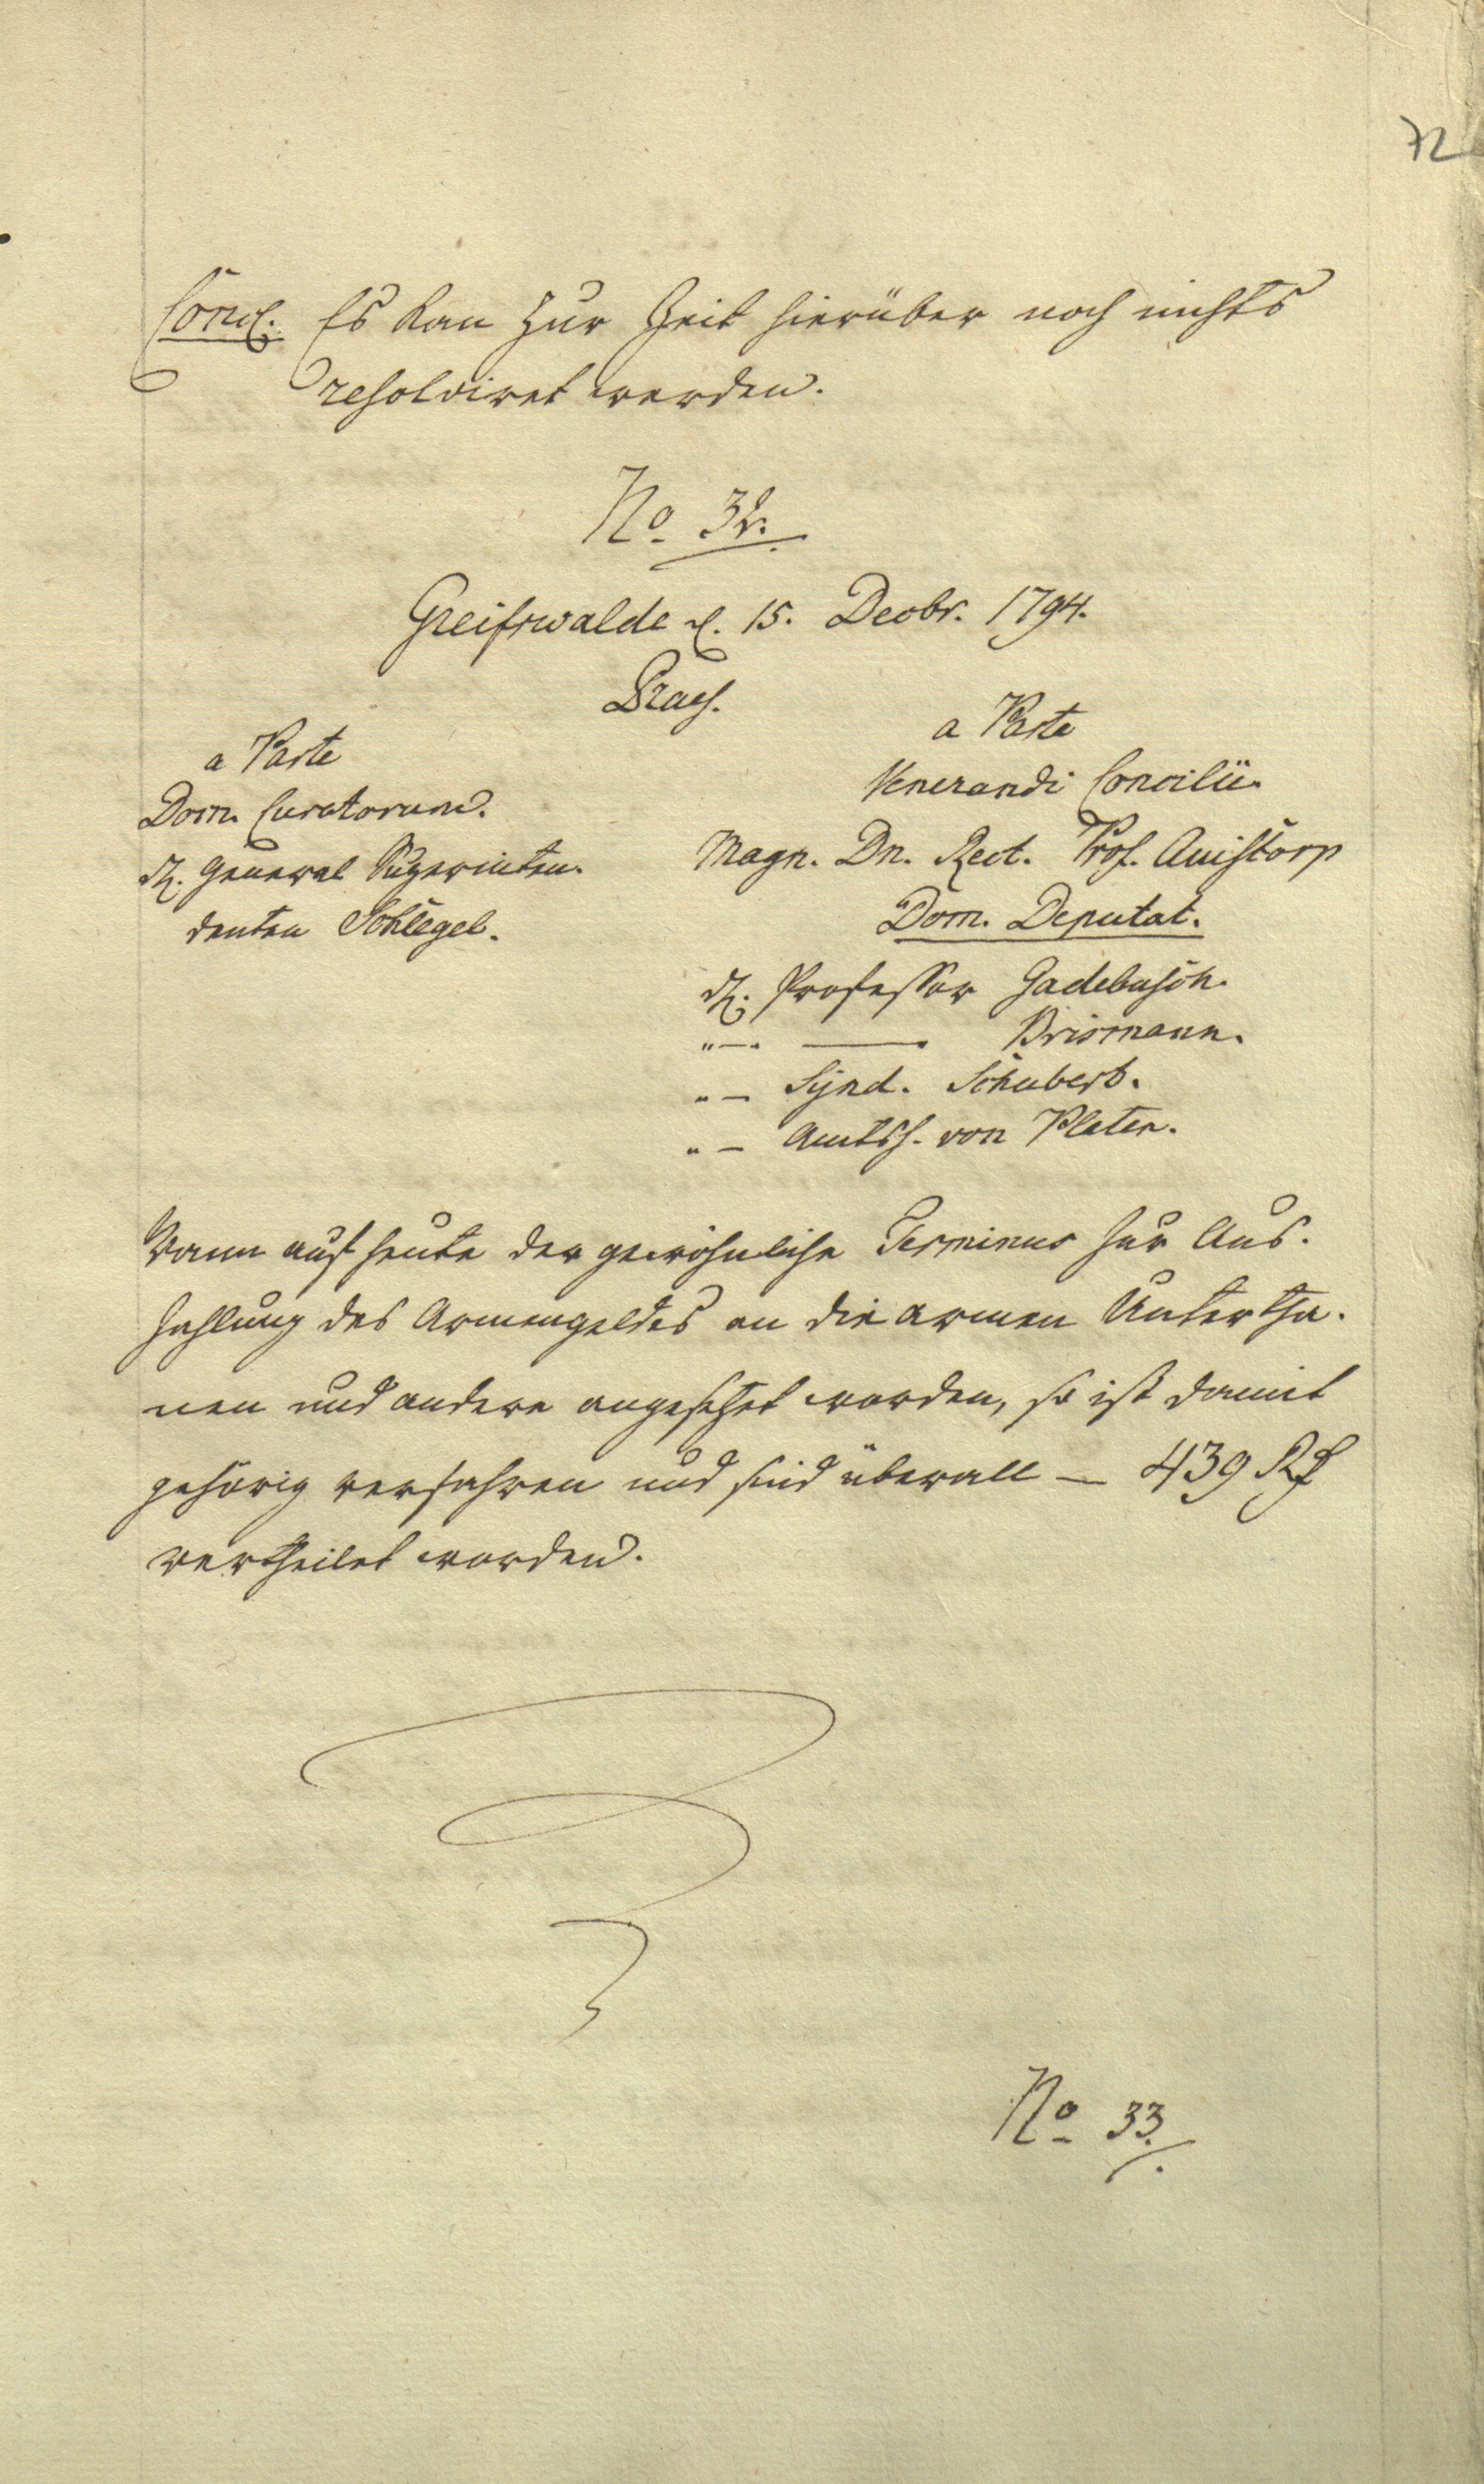Concl. Es kan zur Zeit hierüber noch nichts
resolviret werden.
No 32.
Greifswalde d. 15. Decbr. 1794.
Praes.
a Parte a Parte
Dom. Curatorum. Venerandi Concilii
dh. General Superinten¬ Magn. Dn. Rect. Prof. Quistorp
denten Schlegel.
Dom. Deputat.
dh. Professor Gadebusch.
Brismann.
Sÿnd. Schubert.
Amtsh. von Platen.
Wann auf heute der gewöhnliche Terminus zur Aus¬
zahlung des Armengeldes an die armen Untertha¬
nen und andere angesetzet worden, so ist damit
gehörig verfahren und sind überall 439 Rf
vertheilet worden.
No 33.